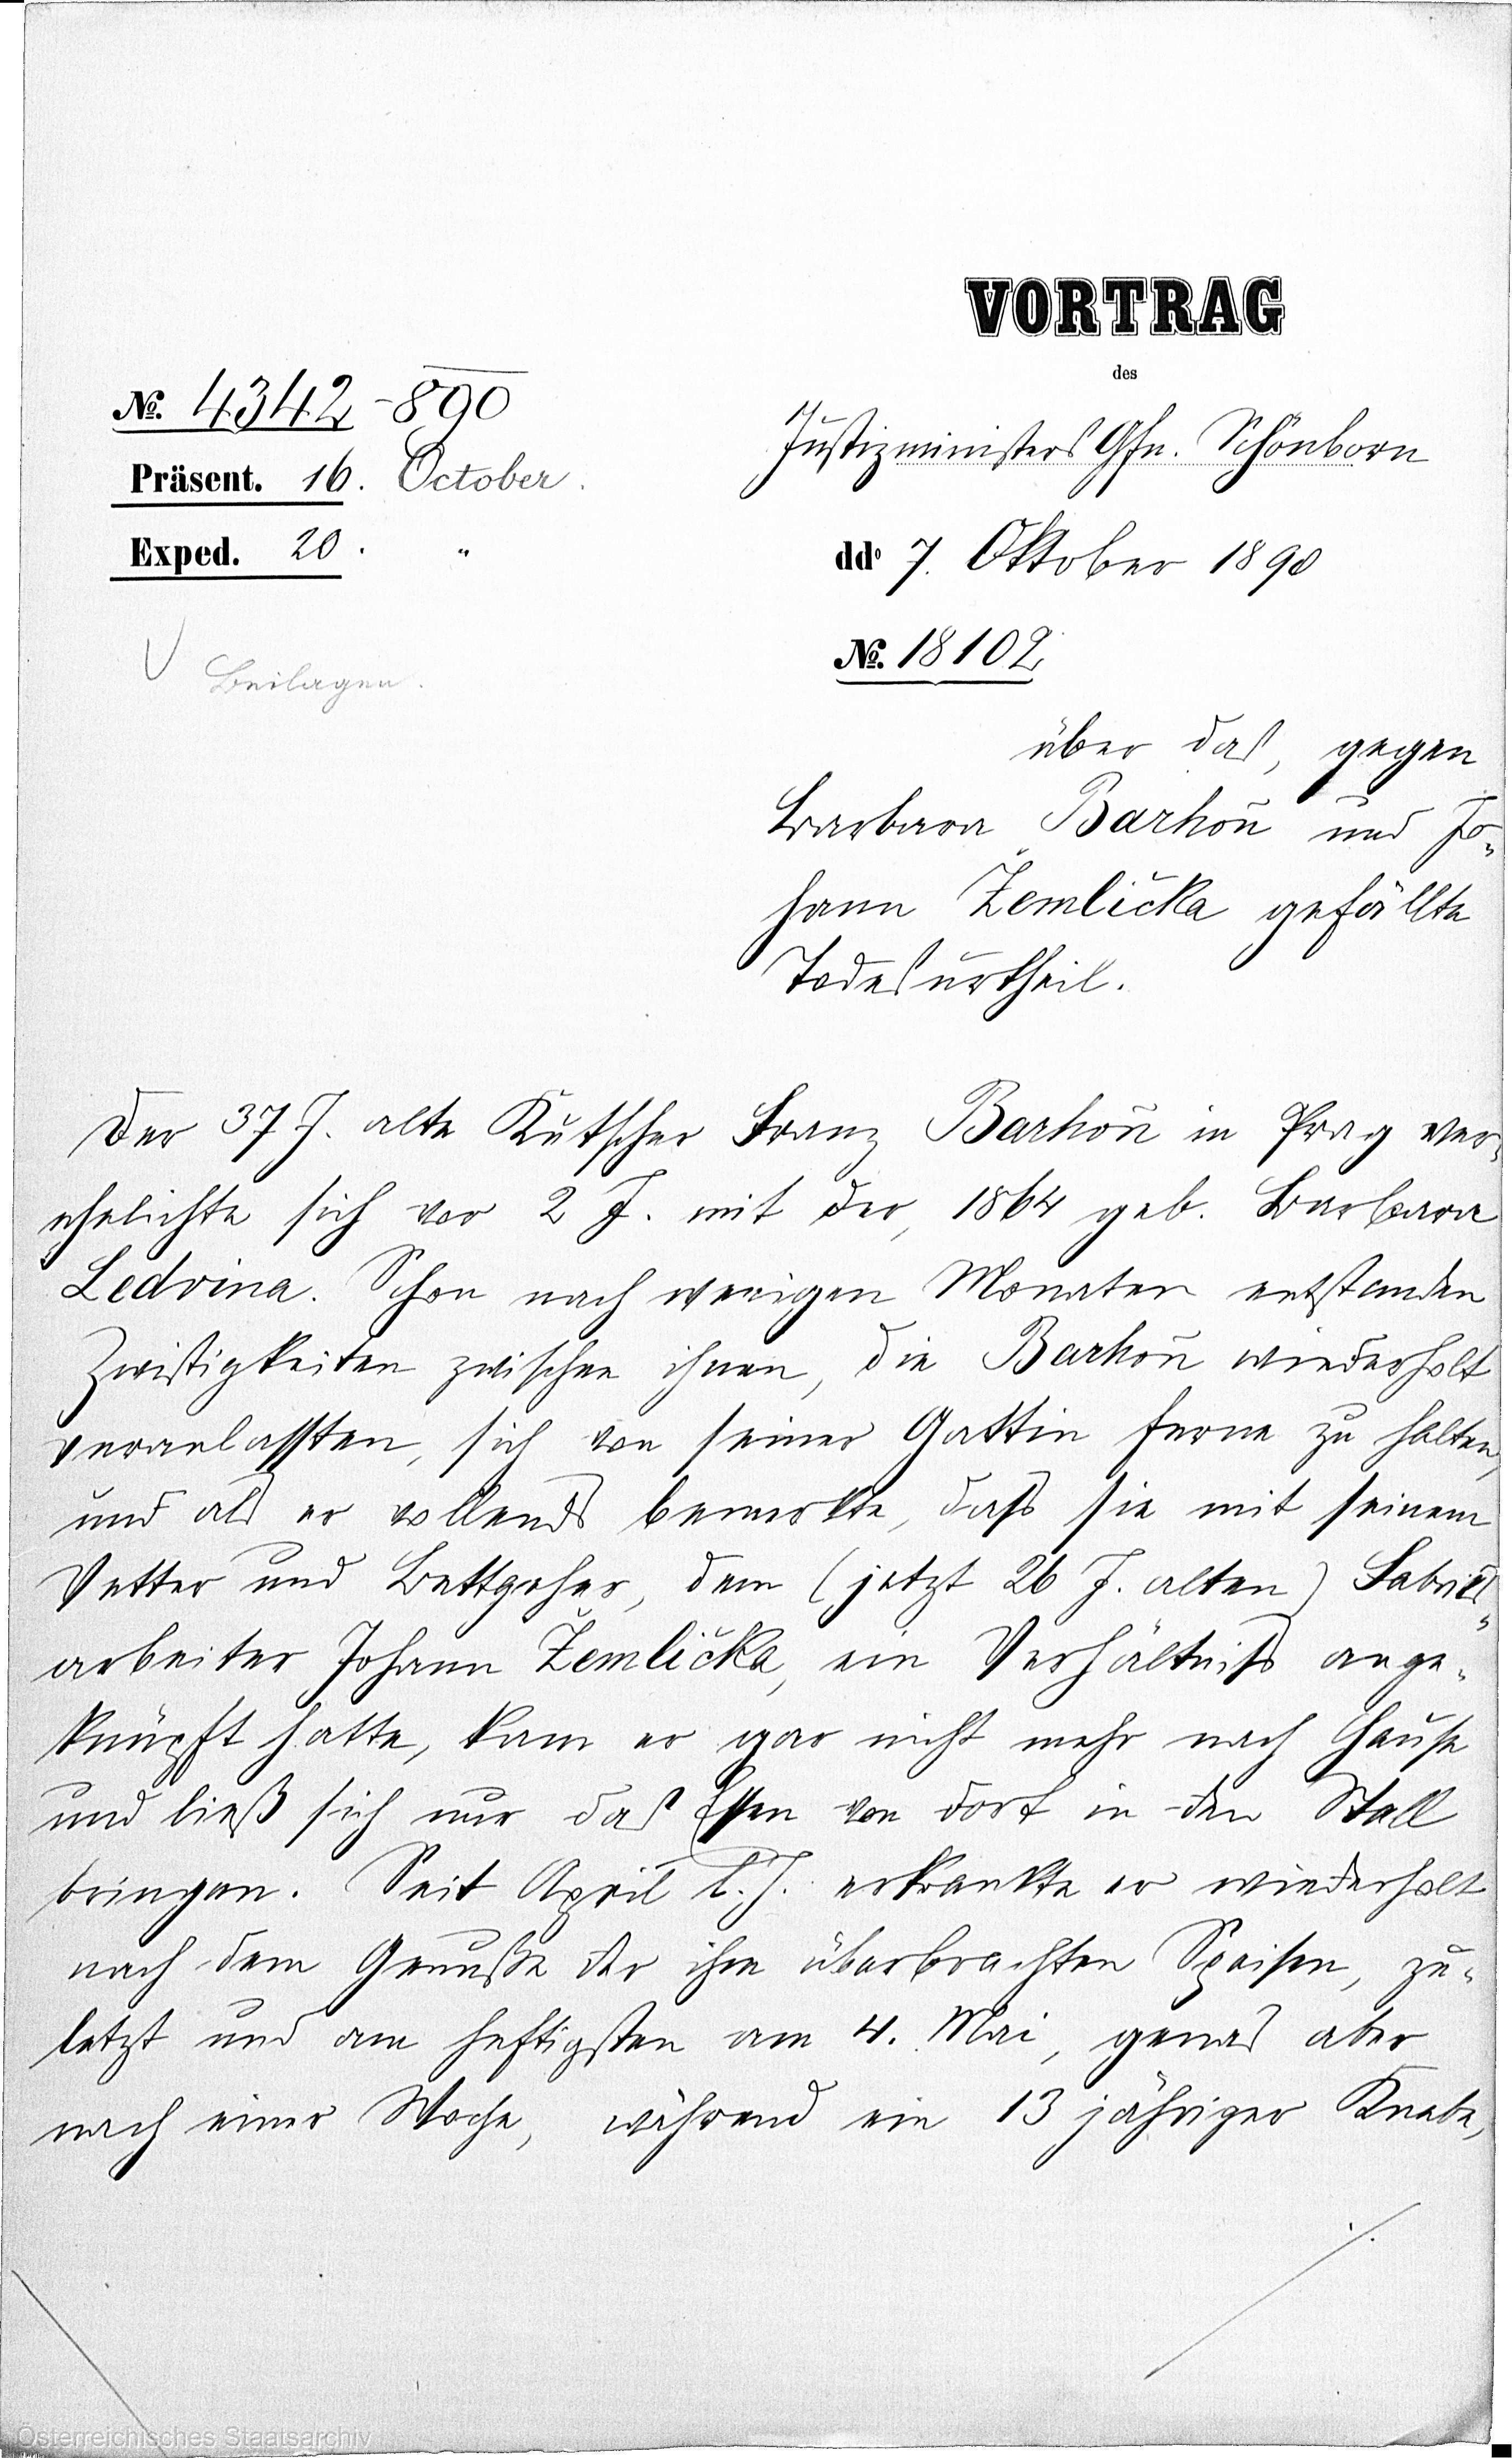No. 4342-890
Präsent. 16. October
Exped. 20. October
Beilagen.
Vortrag
des
Justizministers Gfe. Schöborn
ddo 7. Oktober 1890
No. 18102
über das, gegen
Barbara Barhxx und Jo¬
hann Žemlička gefällte
Todesurtheil.
Der 37 J. alte Kutscher Franz Barhxx in Prag ver¬
ehelichte sich vor 2 J. mit der, 1864 geb. Barbara
Ledvina. Schon nah wenigen Monaten entstanden
Zwistigkeiten zwischen ihnen, die Barhxx wiederholt
veranlassten, sich von seiner Gattin ferne zu halten,
und als er vollends bemerkte, dass sie mit seinem
Vetter und Bettgeher, dem (jetzt 26 J. alten) Fabriks¬
arbeiter Johann Žemlička, ein Verhältniss ange¬
knüpft hatte, kam er gar nich mehr nach Huse
und ließ sich nur das Essen von dort in den Stall
bringen. Seit April l. J. erkrankte er wiederholt
nach dem Genuße der ihm überbrachten Speisen, zu¬
letzt und am heftigsten am 4. Mai, genas aber
nach einer Woche, während ein 13 jähriger Knabe,